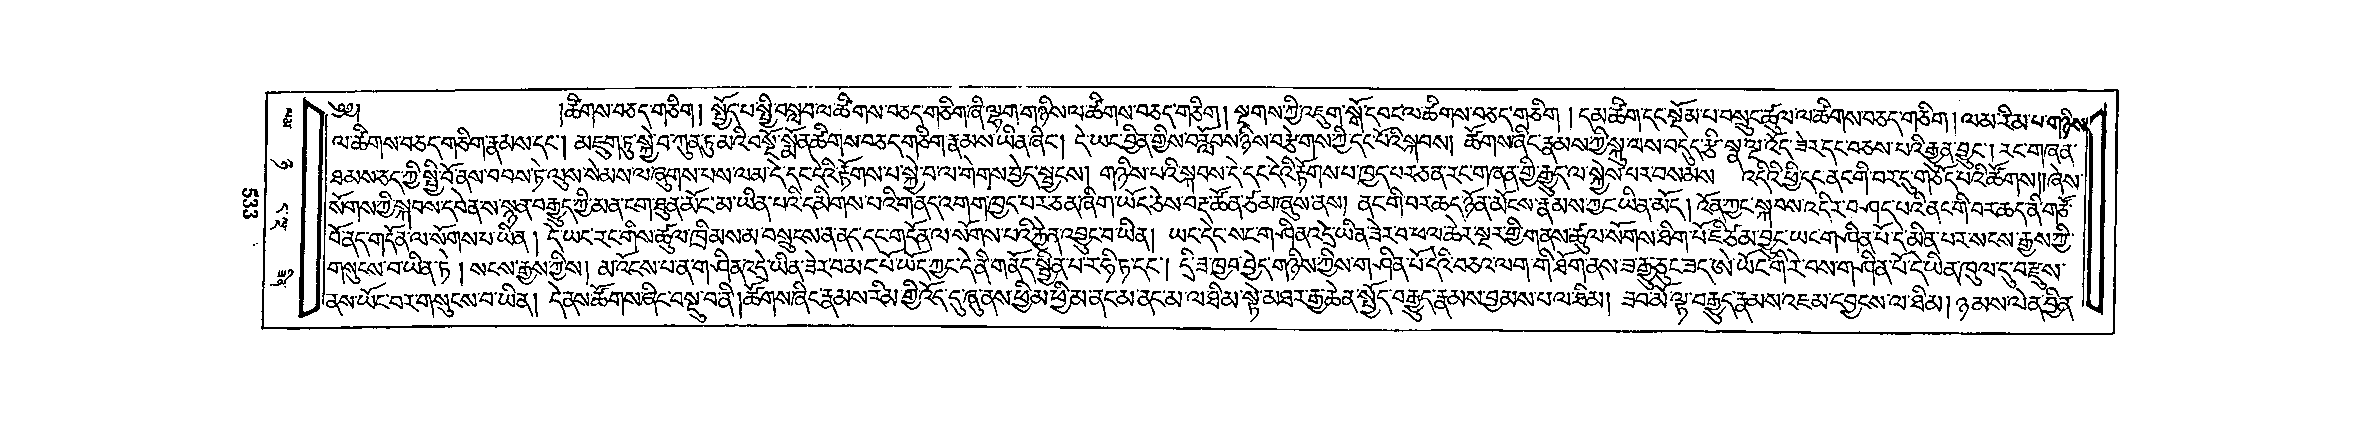༄༅། །ཚིགས་བཅད་གཅིག །སྤྱོད་པ་སྤྱི་བསླབ་ལ་ཚིགས་བཅད་གཅིག་ཞི་ལྷག་གཉིས་ལ་ཚིགས་བཅད་གཅིག །སྔགས་ཀྱི་འཇུག་སྒོ་དབང་ལ་ཚིགས་བཅད་གཅིག །དམ་ཚིག་དང་སྡོམ་པ་བསྲུང་ཚུལ་ལ་ཚིགས་བཅད་གཅིག །ལམ་རིམ་པ་གཉིས་
ལ་ཚིགས་བཅད་གཅིག་རྣམས་དང་། མཇུག་ཏུ་སྐྱེ་བ་ཀུན་ཏུ་མའི་བསྔོ་སྨོན་ཚིགས་བཅད་གཅིག་རྣམས་ཡིན་ཞིང་། དེ་ཡང་བྱིན་གྱིས་བརློབས་ཉིས་བརྩེགས་ཀྱི་དང་པོའི་སྐབས། ཚོགས་ཞིང་རྣམས་ཀྱི་སྐུ་ལས་བདུད་རྩི་སྣ་ལྔ་འོད་ཟེར་དང་བཅས་པའི་རྒྱུན་བྱུང་། རང་གཞན་
ཐམས་ཅད་ཀྱི་སྤྱི་བོ་ནས་བབས་ཏེ་ལུས་སེམས་ལ་ཞུགས་པས་ལམ་དེ་དང་དེའི་རྟོགས་པ་སྐྱེ་བ་ལ་གེགས་བྱེད་སྦྱངས། གཉིས་པའི་སྐབས་དེ་དང་དེའི་རྟོགས་པ་ཁྱད་པར་ཅན་རང་གཞན་གྱི་རྒྱུད་ལ་སྐྱེས་པར་བསམས་འདིའི་ཕྱི་དང་ནང་གི་བར་དུ་གཅོད་པའི་ཚོགས། །ཞེས་
སོགས་ཀྱི་སྐབས་དབེན་ས་སྙན་བརྒྱུད་ཀྱི་མན་ངག་ཐུན་མོང་མ་ཡིན་པའི་དམིགས་པའི་གནད་འགག་ཁྱད་པར་ཅན་ཞིག་ཡོད་ཅེས་བརྡ་ཚོན་ཙམ་ཞུས་ནས། ནང་གི་བར་ཆད་ཉོན་མོངས་རྣམས་ཀྱང་ཡིན་མོད། འོན་ཀྱང་སྐབས་འདིར་བཤད་པའི་ནང་གི་བར་ཆད་ནི་གཙོ་
བོ་ནད་གདོན་ལ་སོགས་པ་ཡིན། དེ་ཡང་རང་གིས་ཚུལ་ཁྲིམས་མ་བསྲུངས་ན་ནད་དང་གདོན་ལ་སོགས་པའི་རྐྱེན་འབྱུང་བ་ཡིན། ཡང་དེང་སང་གཤིན་འདྲེ་ཡིན་ཟེར་བ་ཕལ་ཆེར་སྔར་གྱི་གནས་ཚུལ་སོགས་ཐིག་པོ་ཇི་ཙམ་བྱུང་ཡང་གཤིན་པོ་དེ་མིན་པར་སངས་རྒྱས་ཀྱི་
གསུངས་པ་ཡིན་ཏེ། སངས་རྒྱས་ཀྱིས། མ་འོངས་པ་ན་གཤིན་འདྲེ་ཡིན་ཟེར་བ་མང་པོ་ཡོད་ཀྱང་དེ་ནི་གནོད་སྦྱིན་པ་ར་ཧི་ཏ་དང་། དྲི་ཟ་ཁྱབ་བྱེད་གཉིས་ཀྱིས་གཤིན་པོ་དེའི་བཅའ་ལག་གི་ཐོག་ནས་ཟ་རྒྱུ་ཅུང་ཟད་ཨེ་ཡོང་གི་རེ་བས་གཤིན་པོ་དེ་ཡིན་ཁུལ་དུ་བརྫུས་
ནས་ཡོང་བར་གསུངས་བ་ཡིན། དེ་ནས་ཚོགས་ཞིང་བསྡུ་བ་ནི། ཚོགས་ཞིང་རྣམས་རིམ་གྱི་འོད་དུ་ཞུ་ནས་ཕྱི་མ་ཕྱི་མ་ནང་མ་ནང་མ་ལ་ཐིམ་སྟེ་མཐར་རྒྱ་ཆེན་སྤྱོད་བརྒྱུད་རྣམས་བྱམས་པ་ལ་ཐིམ། ཟབ་མོ་ལྟ་བརྒྱུད་རྣམས་འཇམ་དབྱངས་ལ་ཐིམ། ཉམས་ལེན་བྱིན་